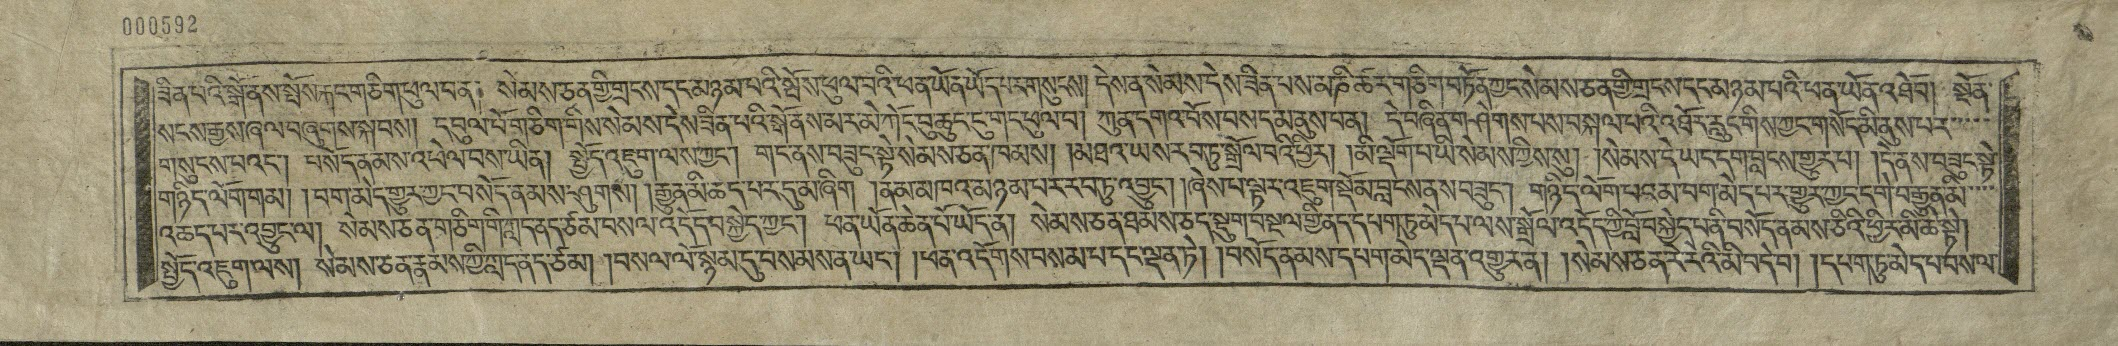ཟིན་པའི་སྒོ་ནས་སྤོས་རྐང་གཅིག་ཕུལ་བ་ན། སེམས་ཅན་གྱི་གྲངས་དང་མཉམ་པའི་སྤོས་ཕུལ་བའི་ཕན་ཡོན་ཡོད་པར་གསུངས། དེས་ན་སེམས་དེས་ཟིན་པས་མ་ཎི་ཚར་གཅིག་བཏོན་ཀྱང་སེམས་ཅན་གྱི་གྲངས་དང་མཉམ་པའི་ཕན་ཡོན་འཐོབ། སྔོན་
སངས་རྒྱས་ཞལ་བཞུགས་སྐབས། དབུལ་པོ་གཅིག་གིས་སེམས་དེས་ཟིན་པའི་སྒོ་ནས་མར་མེ་ཀོང་བུ་ཆུང་ངུ་གང་ཕུལ་བ། ཀུན་དགའ་བོས་བསད་མ་ནུས་པ་ན། དེ་བཞིན་གཤེགས་པས་བསྐལ་པའི་འཐོར་རླུང་གིས་ཀྱང་གསོད་མི་ནུས་པར་
གསུངས་པའང་། བསོད་ནམས་འཕེལ་བས་ཡིན། སྤྱོད་འཇུག་ལས་ཀྱང་། གང་ནས་བཟུང་སྟེ་སེམས་ཅན་ཁམས། །མཐའ་ཡས་རབ་ཏུ་སྒྲོལ་བའི་ཕྱིར། །མི་ལྡོག་པ་ཡི་སེམས་ཀྱིས་སུ། །སེམས་དེ་ཡང་དག་བླངས་གྱུར་པ། །དེ་ནས་བཟུང་སྟེ།
གཉིད་ལོག་གམ། །བག་མེད་གྱུར་ཀྱང་བསོད་ནམས་ཤུགས། །རྒྱུན་མི་ཆད་པར་དུ་མ་ཞིག །ནམ་མཁའ་མཉམ་པར་རབ་ཏུ་འབྱུང་། །ཞེས་པ་ལྟར་འཇུག་སྡོམ་བླངས་ནས་བཟུང་། གཉིད་ལོག་པའམ་བག་མེད་པར་གྱུར་ཀྱང་དགེ་བ་རྒྱུན་མི་
འཆད་པར་འབྱུང་ལ། སེམས་ཅན་གཅིག་གི་ཀླད་ནད་ཙམ་བསལ་འདོད་བསྐྱེད་ཀྱང་། ཕན་ཡོན་ཆེན་པོ་ཡོད་ན། སེམས་ཅན་ཐམས་ཅད་སྡུག་བསྔལ་གྱི་ནད་དཔག་ཏུ་མེད་པ་ལས་སྒྲོལ་འདོད་ཀྱི་བློ་བསྐྱེད་པ་ནི་བསོད་ནམས་ཅིའི་ཕྱིར་མི་ཆེ་སྟེ།
སྤྱོད་འཇུག་ལས། སེམས་ཅན་རྣམས་ཀྱི་ཀླད་ནད་ཙམ། །བསལ་ལོ་སྙམ་དུ་བསམས་ན་ཡང་། །ཕན་འདོགས་བསམ་པ་དང་ལྡན་ཏེ། །བསོད་ནམས་དཔག་མེད་ལྡན་འགྱུར་ན། །སེམས་ཅན་རེ་རེའི་མི་བདེ་བ། །དཔག་ཏུ་མེད་པ་བསལ་